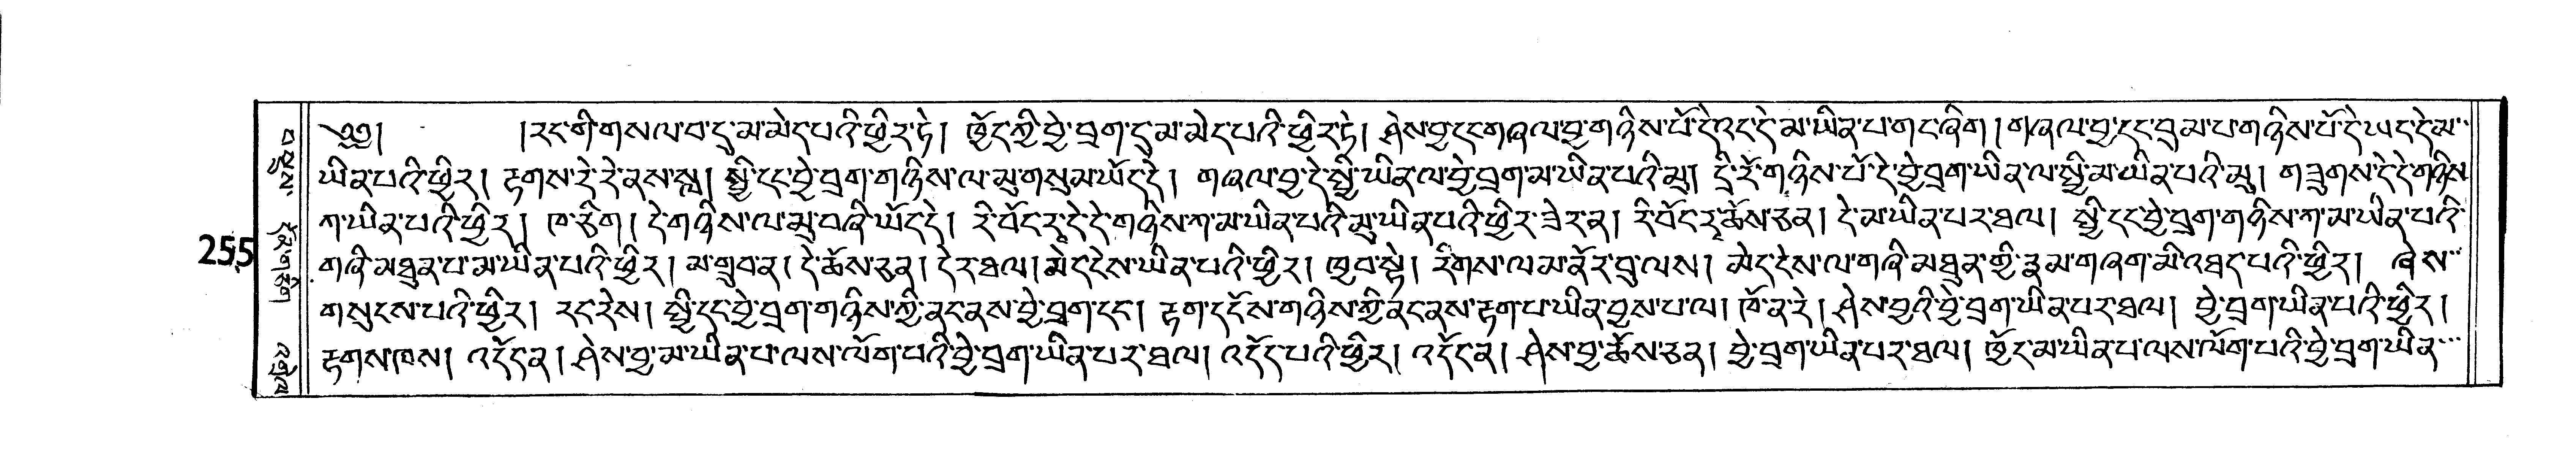༄༅། །རང་གི་གསལ་བ་དུ་མ་མེད་པའི་ཕྱིར་ཏེ། ཁྱོད་ཀྱི་བྱེ་བྲག་དུ་མ་མེད་པའི་ཕྱིར་ཏེ། ཤེས་བྱ་དང་གཞལ་བྱ་གཉིས་པོ་དེའང་དེ་མ་ཡིན་པ་གང་ཞིག །གཞལ་བྱ་དང་བུམ་པ་གཉིས་པོ་དེ་ཡང་དེ་མ་
ཡིན་པའི་ཕྱིར། རྟགས་རེ་རེ་ནས་སླ། སྤྱི་དང་བྱེ་བྲག་གཉིས་ལ་མུ་གསུམ་ཡོད་དེ། གཞལ་བྱ་དེ་སྤྱི་ཡིན་ལ་བྱེ་བྲག་མ་ཡིན་པའི་མུ། དྲི་རོ་གཉིས་པོ་དེ་བྱེ་བྲག་ཡིན་ལ་སྤྱི་མ་ཡིན་པའི་མུ། གཟུགས་དེ་དེ་གཉིས་
ཀ་ཡིན་པའི་ཕྱིར། ཁ་ཅིག །དེ་གཉིས་ལ་མུ་བཞི་ཡོད་དེ། རི་བོང་རྭ་དེ་དེ་གཉིས་ཀ་མ་ཡིན་པའི་མུ་ཡིན་པའི་ཕྱིར་ཟེར་ན། རི་བོང་རྭ་ཆོས་ཅན། དེ་མ་ཡིན་པར་ཐལ། སྤྱི་དང་བྱེ་བྲག་གཉིས་ཀ་མ་ཡིན་པའི་
གཞི་མཐུན་པ་མ་ཡིན་པའི་ཕྱིར། མ་གྲུབ་ན། དེ་ཆོས་ཅན། དེར་ཐལ། མེད་ངེས་ཡིན་པའི་ཕྱིར། ཁྱབ་སྟེ། རིགས་ལམ་ནོར་བུ་ལས། མེད་ངེས་ལ་གཞི་མཐུན་གྱི་རྣམ་གཞག་མི་འཐད་པའི་ཕྱིར། ཞེས་
གསུངས་པའི་ཕྱིར། རང་རེས། སྤྱི་དང་བྱེ་བྲག་གཉིས་ཀྱི་ནང་ནས་བྱེ་བྲག་དང་། རྟག་དངོས་གཉིས་ཀྱི་ནང་ནས་རྟག་པ་ཡིན་བྱས་པ་ལ། ཁོ་ན་རེ། ཤེས་བྱའི་བྱེ་བྲག་ཡིན་པར་ཐལ། བྱེ་བྲག་ཡིན་པའི་ཕྱིར།
རྟགས་ཁས། འདོད་ན། ཤེས་བྱ་མ་ཡིན་པ་ལས་ལོག་པའི་བྱེ་བྲག་ཡིན་པར་ཐལ། འདོད་པའི་ཕྱིར། འདོད་ན། ཤེས་བྱ་ཆོས་ཅན། བྱེ་བྲག་ཡིན་པར་ཐལ། ཁྱོད་མ་ཡིན་པ་ལས་ལོག་པའི་བྱེ་བྲག་ཡིན་